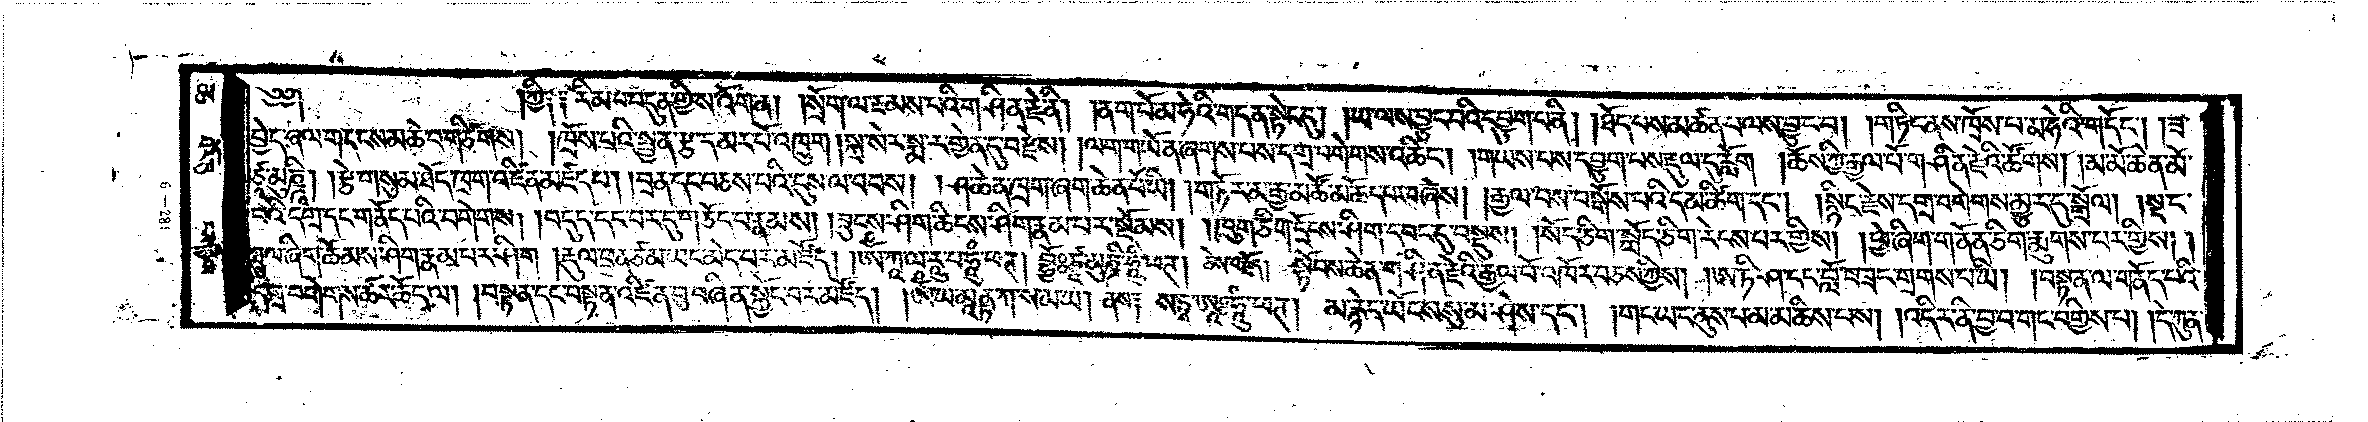༄༅། །ཀྱི༑ ༑རིམ་པ་བདུན་གྱིས་འོག་ན། །སྲོག་ལ་རྔམས་པའི་གཤིན་རྗེ་ནི། །ནག་པོ་མ་ཧེའི་གདན་སྟེང་དུ། །ཡ་ལས་བྱུང་བའི་དབྱུག་པ་ནི། །ཐོད་པས་མཚན་པ་ལས་བྱུང་བ། །གཏིང་ནས་ཁྲོས་པ་མ་ཧེའི་གདོང་། །ཟ་
བྱེད་ཞལ་གདངས་མཆེ་བ་གཙིགས། །ཁྲོས་པའི་སྤྱན་རྩ་དམར་པོ་འཁྲུག །སྐྲ་སེར་སྨ་ར་གྱེན་དུ་བརྫེས། །ལག་གཡོན་ཞགས་པས་དགྲ་བགེགས་འཆིང་། །གཡས་པས་དབྱུག་པས་རྡུལ་དུ་རློག །ཆོས་ཀྱི་རྒྱལ་པོ་གཤིན་རྗེའི་ཚོགས། །མ་མོ་ཆེན་མོ་
ཙཱ་མུཎྜཱི། །རྩེ་གསུམ་ཐོད་ཁྲག་བྫིན་མཛད་པ། །བྲན་དང་བཅས་པའི་དུས་ལ་བབས། །ཤ་ཆེན་ཁྲག་ཞག་ཆེན་པོ་ཡི། །གཏོར་མ་རྒྱ་མཚོ་མཆོད་པར་བཞེས། །རྒྱ་བས་བསྒོས་པའི་དམ་ཚིག་དང་། །སྙིང་རྗེས་དགྲ་བགེགས་མྱུར་དུ་སྒྲོལ། །སྡང་
བའི་དགྲ་དང་གནོད་པའི་བགེགས། །བདུད་དང་བར་དུ་གཅོད་པ་རྣམས། །ཟུངས་ཤིག་ཆིངས་ཤིག་རྣམ་པར་སྡོམས། །ཁུག་ཅིག་དྲོངས་ཤིག་དབང་དུ་བསྡུས། །སོད་ཅིག་སྐྲོད་ཅིག་རེངས་པར་གྱིས། །ཕྱེ་ཞིག་གནོན་ཅིག་རྨུགས་པར་གྱིས། །
ཞལ་ཞིག་ཆོམས་ཤིག་རྣམ་པར་ཤིག །རྡུལ་ཕྲན་ཙམ་ཡང་མེད་པར་མཛོད། །ཨོཾ་ཀཱ་ལ་རཱུ་པ་ཧཱུཾ་ཕཊ། བྷྱོཿ ཙཱ་མུཎྜི་ཧཱུཾ་ཕཊ། ཅེས་བརྗོད། སྟོབས་ཆེན་གཤིན་རྗེའི་རྒྱལ་པོ་འཁོར་བཅས་ཀྱིས། །ཨ་ཏི་ཤ་དང་བློ་བཟང་གྲགས་པ་ཡི། །བསྟན་ལ་གནོད་པའི་
དགྲ་བགེགས་ཆོད་ཆོད་ལ། །བསྟན་དང་བསྟན་འཛིན་བུ་བཞིན་སྐྱོང་བར་མཛོད། །ཨོཾ་ཡ་མཱནྟ་ཀ་ས་མ་ཡ། ནས༑ སཏྭ་ཨཱཿ ཧུའཾ་ཕཊ། མ་རྙེད་ཡོངས་སུ་མ་ཤེས་དང་། །གང་ཡང་ནུས་པ་མ་མཆིས་པས། །འདིར་ནི་བྱ་བ་གང་བགྱིས་པ། །དེ་ཀུན་